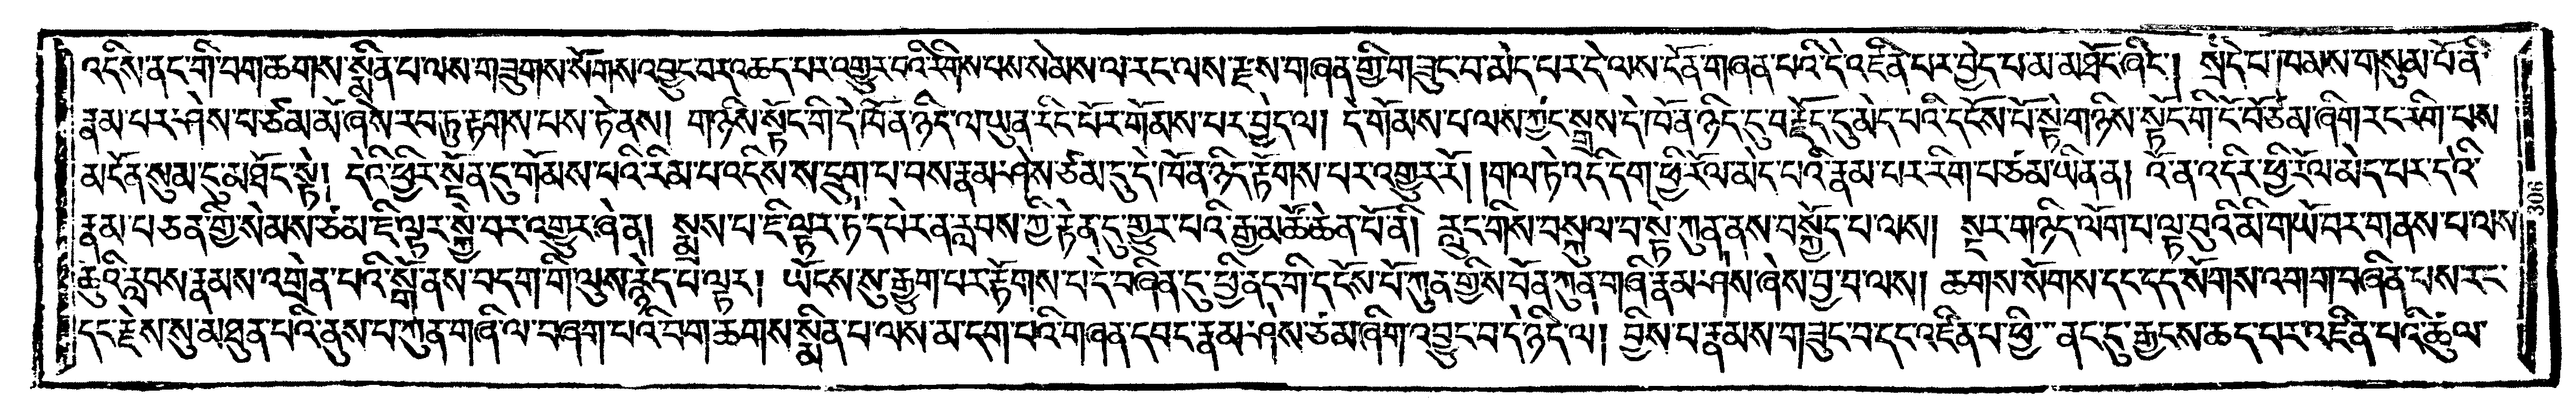འདིས་ནང་གི་བག་ཆགས་སྨིན་པ་ལས་གཟུགས་སོགས་འབྱུང་བར་འཆད་པར་འགྱུར་བའི་རིགས་པས་སེམས་ལ་རང་ལས་རྫས་གཞན་གྱི་གཟུང་བ་མེད་པར་དེ་ལས་དོན་གཞན་པའི་དེ་འཛིན་པར་བྱེད་པ་མ་མཐོང་ཞིང་། སྲིད་པ་ཁམས་གསུམ་པོ་ནི་
རྣམ་པར་ཤེས་པ་ཙམ་མོ་ཞེས་རབ་ཏུ་རྟོགས་པས་ཏེ་ནས། གཉིས་སྟོང་གི་དེ་ཁོ་ན་ཉིད་ལ་ཡུན་རིང་པོར་གོམས་པར་བྱེད་ལ། དེ་གོམས་པ་ལས་ཀྱང་སྒྲས་དེ་ཁོ་ན་ཉིད་དུ་བརྗོད་དུ་མེད་པའི་དངོས་པོ་སྟེ་གཉིས་སྟོང་གི་ངོ་པོ་ཙམ་ཞིག་རང་རིག་པས་
མངོན་སུམ་དུ་མཐོང་སྟེ། དེའི་ཕྱིར་སྔོན་དུ་གོམས་པའི་རིམ་པ་འདིས་ས་དྲུག་པ་བས་རྣམ་ཤེས་ཙམ་དུ་དེ་ཁོ་ན་ཉིད་རྟོགས་པར་འགྱུར་རོ། །གལ་ཏེ་འདི་དག་ཕྱི་རོལ་མེད་པའི་རྣམ་པར་རིག་པ་ཙམ་ཡིན་ན། འོ་ན་འདིར་ཕྱི་རོལ་མེད་པར་དེའི་
རྣམ་པ་ཅན་གྱི་སེམས་ཙམ་ཇི་ལྟར་སྐྱེ་བར་འགྱུར་ཞེ་ན། སྨྲས་པ་ཇི་ལྟར་ཏེ་དཔེར་ན་རླབས་ཀྱི་རྟེན་དུ་གྱུར་པའི་རྒྱ་མཚོ་ཆེན་པོ་ནི། རླུང་གིས་བསྐུལ་བ་སྟེ་ཀུན་ནས་བསྐྱོད་པ་ལས། སྔར་གཉིད་ལོག་པ་ལྟ་བུའི་མི་གཡོ་བར་གནས་པ་ལས་
ཆུའི་རླབས་རྣམས་འགྲེན་པའི་སྒོ་ནས་བདག་གི་ལུས་རྙེད་པ་ལྟར། ཡོངས་སུ་རྒྱུག་པར་རྟོགས་པ་དེ་བཞིན་དུ་ཕྱི་ནང་གི་དངོས་པོ་ཀུན་གྱི་ས་བོན་ཀུན་གཞི་རྣམ་ཤེས་ཞེས་བྱ་བ་ལས། ཆགས་སོགས་དང་དད་སོགས་འགག་བཞིན་པས་རང་
དང་རྗེས་སུ་མཐུན་པའི་ནུས་པ་ཀུན་གཞི་ལ་བཞག་པའི་བག་ཆགས་སྨིན་པ་ལས་མ་དག་པའི་གཞན་དབང་རྣམ་ཤེས་ཙམ་ཞིག་འབྱུང་བ་དེ་ཉིད་ལ། བྱིས་པ་རྣམས་གཟུང་བ་དང་འཛིན་པ་ཕྱི་ནང་དུ་རྒྱངས་ཆད་པར་འཛིན་པའི་ཚུལ་